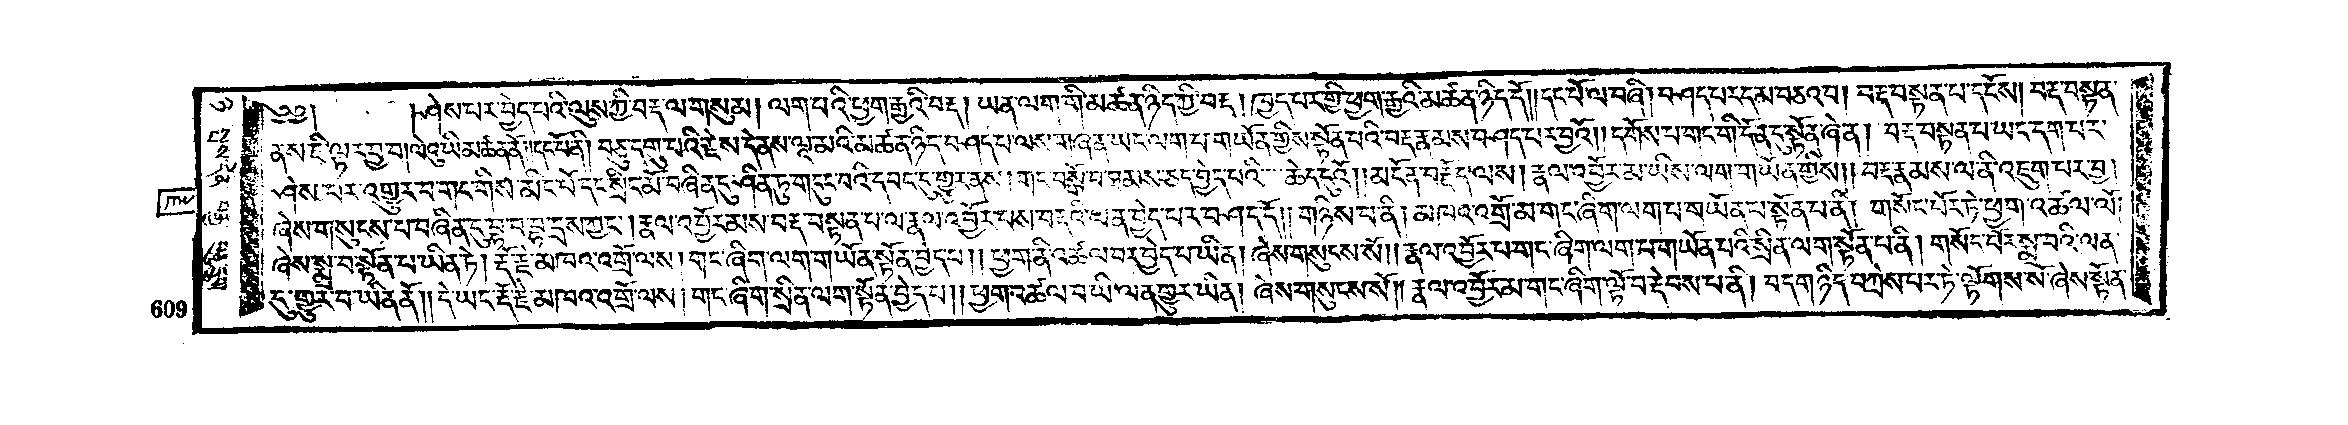༄༅། །ཤེས་པར་བྱེད་པའི་ལུས་ཀྱི་བརྡ་ལ་གསུམ། ལག་པའི་ཕྱག་རྒྱའི་བརྡ། ཡན་ལག་གི་མཚན་ཉིད་ཀྱི་བརྡ། ཁྱད་པར་གྱི་ཕྱག་རྒྱའི་མཚན་ཉིད་དོ། །དང་པོ་ལ་བཞི། བཤད་པར་དམ་བཅའ་བ། བརྡ་བསྟན་པ་དངོས། བརྡ་བསྟན་
ནས་ཇི་ལྟར་བྱ་བ། ལེའུ་ཡི་མཚན་ནོ། །དང་པོ་ནི། བཅུ་དགུ་པའི་རྗེས་དེ་ནས་ལཱ་མའི་མཚན་ཉིད་བཤད་པ་ལས་གཞན་ཡང་ལག་པ་གཡོན་གྱིས་སྟོན་པའི་བརྡ་རྣམས་བཤད་པར་བྱའོ། །དགོས་པ་གང་གི་དོན་དུ་སྟོན་ཞེ་ན། བརྡ་བསྟན་པ་ཡང་དག་པར་
ཤེས་པར་འགྱུར་བ་གང་གིས་མིང་པོ་དང་སྲིང་མོ་བཞིན་དུ་ཤིན་ཏུ་གདུང་བའི་དབང་དུ་གྱུར་ནས། གང་བསྒོ་བ་ཐམས་ཅད་བྱེད་པའི་ཆེད་དུའོ། །མངོན་བརྗོད་ལས། རྣལ་འབྱོར་མ་ཡིས་ལག་གཡོན་གྱིས། །བརྡ་རྣམས་ལ་ནི་འཇུག་པར་བྱ།
ཞེས་གསུངས་པ་བཞིན་དུ་བྷ་བ་བྷ་དྲས་ཀྱང་། རྣལ་འབྱོར་མས་བརྡ་བསྟན་པ་ལ་རྣལ་འབྱོར་པས་བརྡའི་ལན་བྱེད་པར་བཤད་དོ། །གཉིས་པ་ནི། མཁའ་འགྲོ་མ་གང་ཞིག་ལག་པ་གཡོན་པ་སྟོན་པ་ནི། གསོང་པོར་ཏེ་ཕྱག་འཚལ་ལོ།
ཞེས་སྨྲ་བ་སྟོན་པ་ཡིན་ཏེ། རྡོ་རྗེ་མཁའ་འགྲོ་ལས། གང་ཞིག་ལག་གཡོན་སྟོན་བྱེད་པ། །ཕྱག་ནི་འཚལ་བར་བྱེད་པ་ཡིན། ཞེས་གསུངས་སོ། །རྣལ་འབྱོར་པ་གང་ཞིག་ལག་པ་གཡོན་པའི་སྲིན་ལག་སྟོན་པ་ནི། གསོང་པོར་སྨྲ་བའི་ལན་
དུ་གྱུར་བ་ཡིན་ནོ། །དེ་ཡང་རྡོ་རྗེ་མཁའ་འགྲོ་ལས། གང་ཞིག་སྲིན་ལག་སྟོན་བྱེད་པ། །ཕྱག་འཚལ་བ་ཡི་ལན་གྱུར་ཡིན། ཞེས་གསུངས་སོ། །རྣལ་འབྱོར་མ་གང་ཞིག་ལྟོ་བ་རྡེབས་པ་ནི། བདག་ཉིད་བཀྲེས་པར་ཏེ་ལྟོགས་སོ་ཞེས་སྟོན་